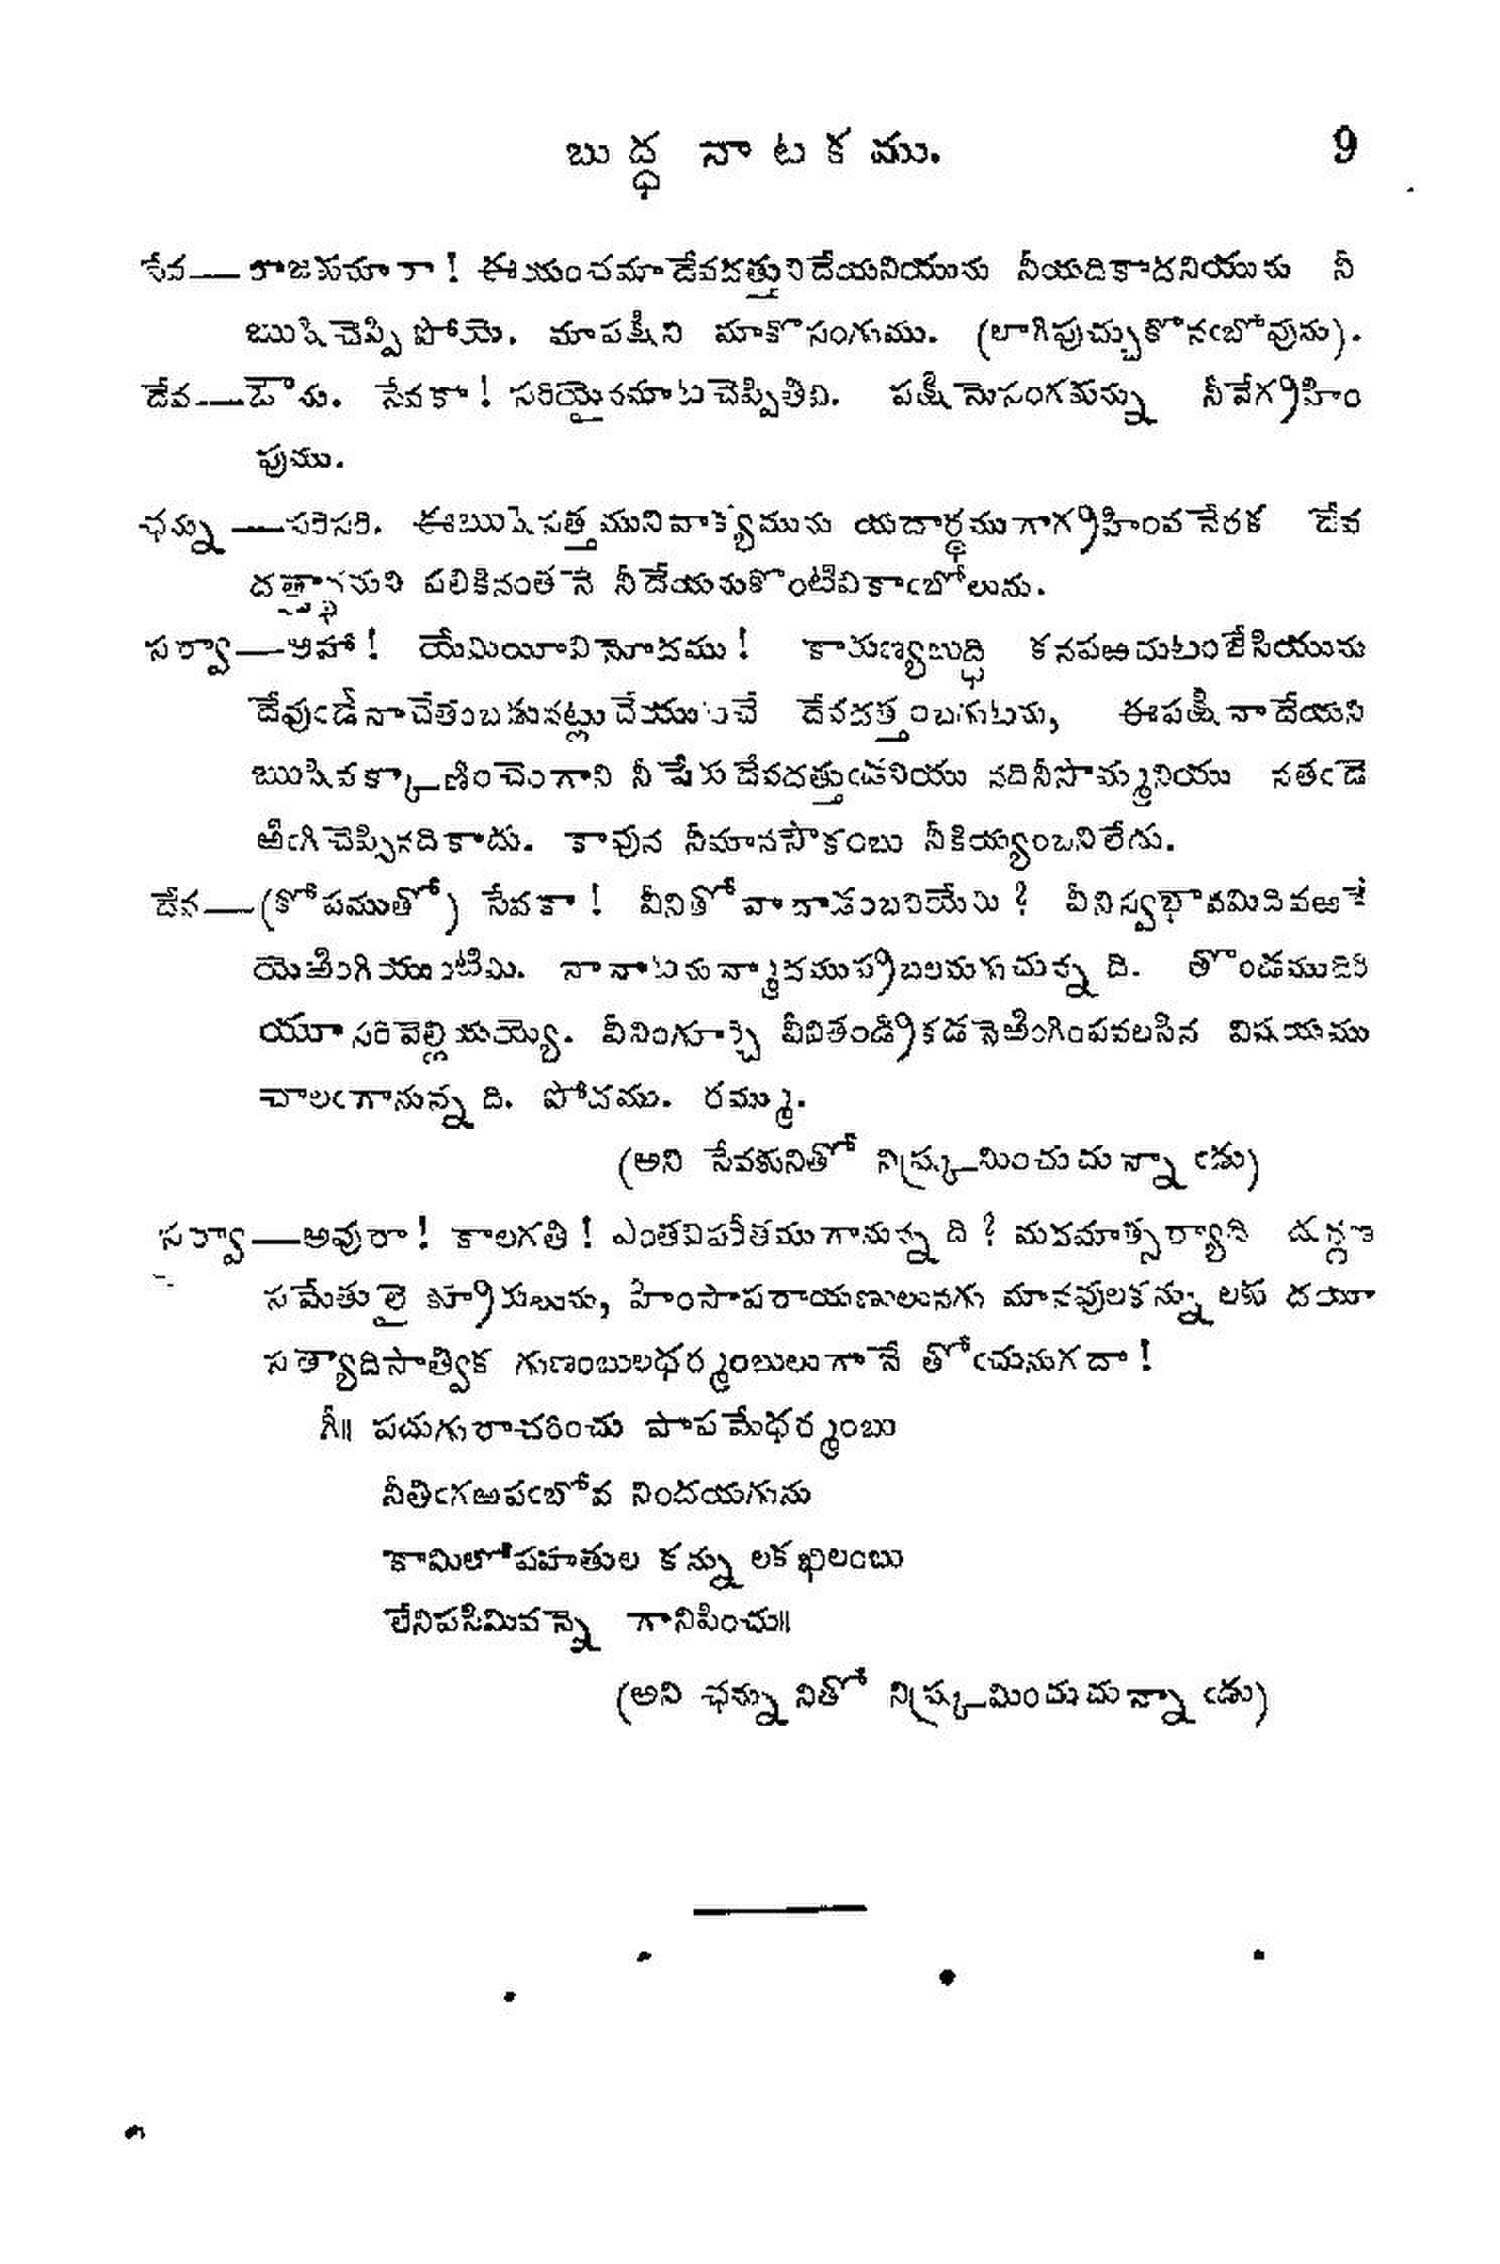సేన — రాజకుమారా! ఈ యంచమాదేవదత్తునిదేయనియును నీయదికాదనియును నీ ఋషి చెప్పిపోయె. పక్షిని మాకొసంగుము. (లాగిపుచ్చుకోనఁబోవును).

దేవ - ఔను. సేవకా! సరియైనమాటచెప్పితిని. పక్షి మొసంగకున్న నీవేగ్రహింపుము.

ఛన్ను - సరిసరి. ఈఋషిసత్తముని వాక్యమును యదార్థముగా గ్రహింపనేరక దేవదత్తార్థనుని పలికినంతనే నీదేయనుకొంటివి కాఁబోలును.

సర్వా — ఆహా! యేమియీవినెూదము! కారుణ్యబుద్ధి కనపఱచుటంజేసియును దేవుఁడే నాచేతంబడునట్లు చేయుటచే దేవదత్తంబగుటను, ఈపక్షి నాదేయని ఋషివక్కాణించెంగాని నీ పేరు దేవదత్తుఁడనియు నదినీసొమ్మనియు నతఁడెఱిఁగి చెప్పినది కాదు. కావున నీమానసౌకంబు నీకియ్యంబనిలేదు.

దేవ — ( కోపముతో) సేవకా! వీనితో వాదాడంబనియేమి? వీనిస్వభావమిదివఱకే యెఱింగియుంటిమి. నానాటనునున్మాదము ప్రబలమగు
చున్నది. తొండముదిరియు సరివెల్లియయ్యె. వీనింగూర్చి దీని తండ్రి కడనెఱింగింపవలసిన విషయము చాలఁగానున్నది. పోదము. రమ్ము.

సర్వా — అవురా! కాలగతి! ఎంతవిపరీతముగానున్నది? మదమాత్సర్యాది దుర్గణ సమేతులై క్రూరులును, హింసాపరాయణులునగు మానవులకన్నులకు దయాసత్యాదిసాత్విక గుణంబులధర్మంబులుగానే తోచునుగదా!

గీ॥ పదుగురాచరించు పాపమేధర్మంబు
నీతిఁగఱపబోవ నిందయగును
కామిలోపహతుల కన్నులకఖిలంబు
లేనిపసిమివన్నె గానిపించు॥